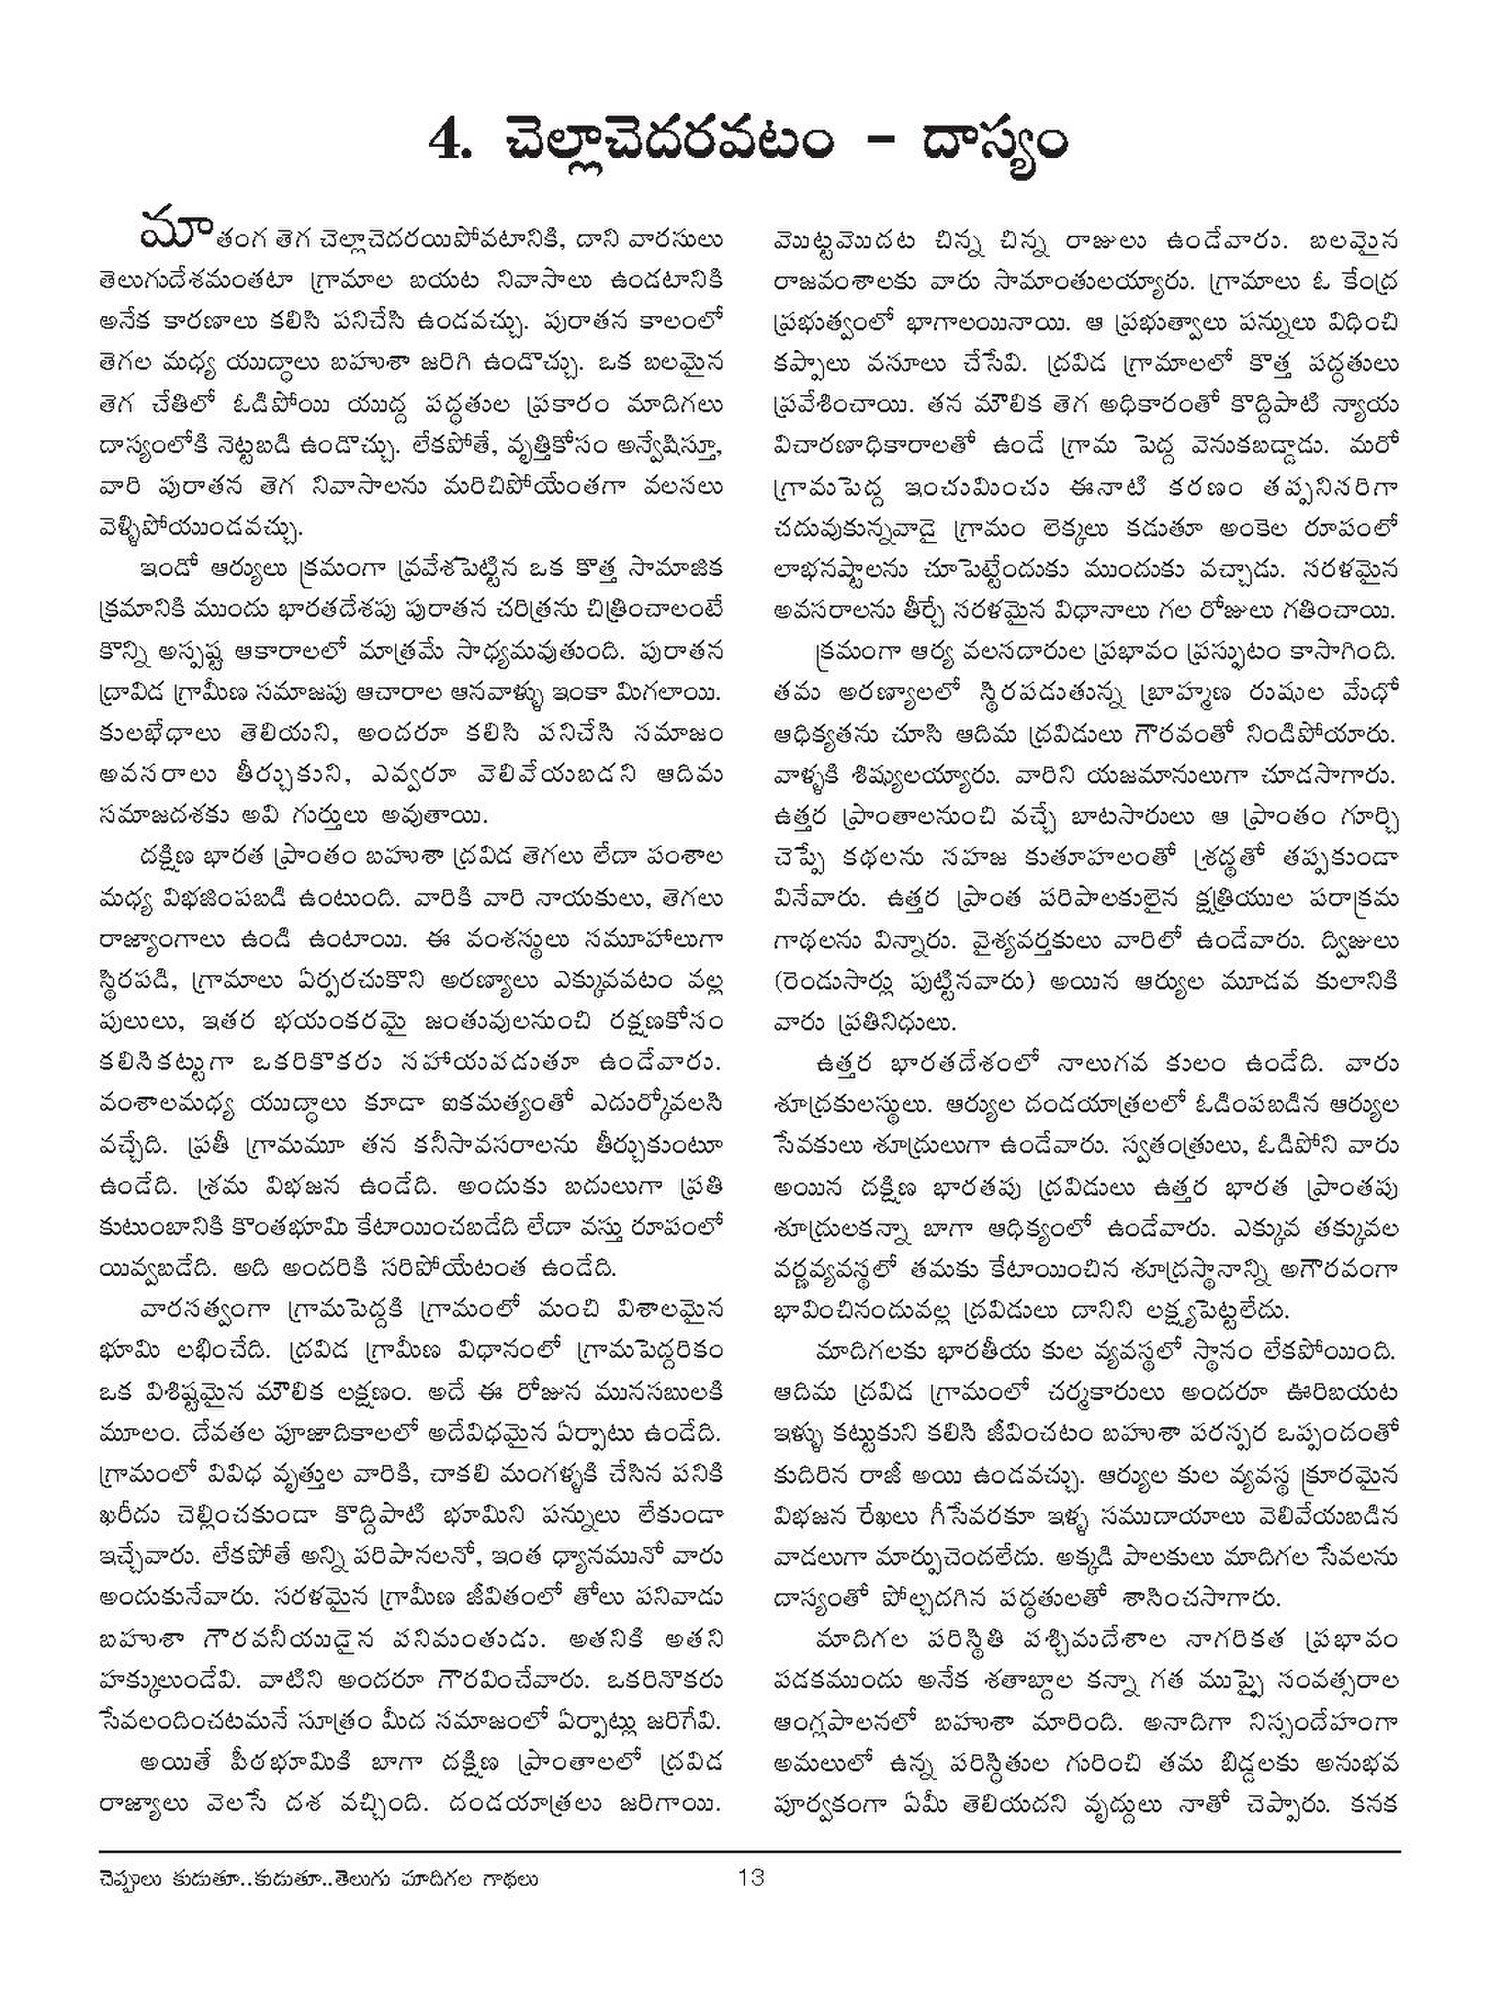4. చెల్లాచెదరవటం - దాస్యం

తంగ తెగ చెల్లాచెదరయిపోవటానికి, దాని వారసులు
తెలుగుదేశమంతటా గ్రామాల బయట నివాసాలు ఉండటానికి
అనేక కారణాలు కలిసి పనిచేసి ఉండవచ్చు. పురాతన కాలంలో
తెగల మధ్య యుద్ధాలు బహుశా జరిగి ఉండొచ్చు. ఒక బలమైన
తెగ చేతిలో ఓడిపోయి యుద్ధ పద్ధతుల ప్రకారం మాదిగలు
దాస్యంలోకి నెట్టబడి ఉండొచ్చు. లేకపోతే, వృత్తికోసం అన్వేషిస్తూ,
వారి పురాతన తెగ నివాసాలను మరిచిపోయేంతగా వలసలు
వెళ్ళిపోయుండవచ్చు.

ఇండో ఆర్యులు క్రమంగా ప్రవేశపెట్టిన ఒక కొత్త సామాజిక
క్రమానికి ముందు భారతదేశపు పురాతన చరిత్రను చిత్రించాలంటే
కొన్ని అస్పష్ట ఆకారాలలో మాత్రమే సాధ్యమవుతుంది. పురాతన
ద్రావిడ గ్రామీణ సమాజపు ఆచారాల ఆనవాళ్ళు ఇంకా మిగలాయి.
కులభేధాలు తెలియని, అందరూ కలిసి పనిచేసి సమాజం
అవసరాలు తీర్చుకుని, ఎవ్వరూ వెలివేయబడని ఆదిమ
సమాజదశకు అవి గుర్తులు అవుతాయి.

దక్షిణ భారత ప్రాంతం బహుశా ద్రవిడ తెగలు లేదా పంశాల
మధ్య విభజింపబడి ఉంటుంది. వారికి వారి నాయకులు, తెగలు
రాజ్యాంగాలు ఉండి ఉంటాయి. ఈ వంశస్థులు సమూహాలుగా
స్థిరపడి, గ్రామాలు ఏర్పరచుకొని అరణ్యాలు ఎక్కువవటం వల్ల
పులులు, ఇతర భయంకరమై జంతువులనుంచి రక్షణకోసం
కలిసికట్టుగా ఒకరికొకరు సహాయపడుతూ ఉండేవారు.
వంశాలమధ్య యుద్ధాలు కూడా ఐకమత్యంతో ఎదుర్కోవలసి
వచ్చేది. ప్రతీ గ్రామమూ తన కనీసావసరాలను తీర్చుకుంటూ
ఉండేది. శ్రమ విభజన ఉండేది. అందుకు బదులుగా ప్రతి
కుటుంబానికి కొంతభూమి కేటాయించబడేది లేదా వస్తు రూపంలో
యివ్వబడేది. అది అందరికి సరిపోయేటంత ఉండేది.

వారసత్వంగా గ్రామపెద్దకి గ్రామంలో మంచి విశాలమైన
భూమి లభించేది. ద్రావిడ గ్రామీణ విధానంలో గ్రామపెద్దరికం
ఒక విశిష్టమైన మౌలిక లక్షణం. అదే ఈ రోజున మునసబులకి
మూలం. దేవతల పూజాదికాలలో అదేవిధమైన ఏర్పాటు ఉండేది.
గ్రామంలో వివిధ వృత్తుల వారికి, చాకలి మంగళ్ళకి చేసిన పనికి
ఖరీదు చెల్లించకుండా కొద్దిపాటి భూమిని పన్నులు లేకుండా
ఇచ్చేవారు. లేకపోతే అన్ని పరిపాలనో, ఇంత ధ్యానమునో వారు
అందుకునేవారు. సరళమైన గ్రామీణ జీవితంలో తోలు పనివాడు
బహుశా గౌరవనీయుడైన పనిమంతుడు. అతనికి అతని
హక్కులుండేవి. వాటిని అందరూ గౌరవించేవారు. ఒకరినొకరు
సేవలందించటమనే సూత్రం మీద సమాజంలో ఏర్పాట్లు జరిగేవి.

అయితే పీఠభూమికి బాగా దక్షిణ ప్రాంతాలలో ద్రవిడ
రాజ్యాలు వెలసే దశ వచ్చింది. దండయాత్రలు జరిగాయి.
మొట్టమొదట చిన్న చిన్న రాజులు ఉండేవారు. బలమైన
రాజవంశాలకు వారు సామాంతులయ్యారు. గ్రామాలు ఓ కేంద్ర
ప్రభుత్వంలో భాగాలయినాయి. ఆ ప్రభుత్వాలు పన్నులు విధించి
కప్పాలు వసూలు చేసేవి. ద్రవిడ గ్రామాలలో కొత్త పద్దతులు
ప్రవేశించాయి. తన మౌలిక తెగ అధికారంతో కొద్దిపాటి న్యాయ
విచారణాధికారాలతో ఉండే గ్రామ పెద్ద వెనుకబడ్డాడు. మరో
గ్రామపెద్ద ఇంచుమించు ఈనాటి కరణం తప్పనిసరిగా
చదువుకున్నవాడై గ్రామం లెక్కలు కడుతూ అంకెల రూపంలో
లాభనష్టాలను చూపెట్టేందుకు ముందుకు వచ్చాడు. సరళమైన
అవసరాలను తీర్చే సరళమైన విధానాలు గల రోజులు గతించాయి.

క్రమంగా ఆర్య వలసదారుల ప్రభావం ప్రస్ఫుటం కాసాగింది.
తమ అరణ్యాలలో స్థిరపడుతున్న బ్రాహ్మణ రుషుల మేధో
ఆధిక్యతను చూసి ఆదిమ ద్రావిడులు గౌరవంతో నిండిపోయారు.
వాళ్ళకి శిష్యులయ్యారు. వారిని యజమానులుగా చూడసాగారు.
ఉత్తర ప్రాంతాలనుంచి వచ్చే బాటసారులు ఆ ప్రాంతం గూర్చి
చెప్పే కథలను సహజ కుతూహలంతో శ్రద్ధతో తప్పకుండా
వినేవారు. ఉత్తర ప్రాంత పరిపాలకులైన క్షత్రియుల పరాక్రమ
గాథలను విన్నారు. వైశ్యవర్తకులు వారిలో ఉండేవారు. ద్విజులు
(రెండుసార్లు పుట్టినవారు) అయిన ఆర్యుల మూడవ కులానికి
వారు ప్రతినిధులు.

ఉత్తర భారతదేశంలో నాలుగవ కులం ఉండేది. వారు
శూద్రకులస్థులు. ఆర్యుల దండయాత్రలలో ఓడింపబడిన ఆర్యుల
సేవకులు శూద్రులుగా ఉండేవారు. స్వతంత్రులు, ఓడిపోని వారు
అయిన దక్షిణ భారతపు ద్రవిడులు ఉత్తర భారత ప్రాంతపు
శూద్రులకన్నా బాగా ఆధిక్యంలో ఉండేవారు. ఎక్కువ తక్కువల
వర్ణవ్యవస్థలో తమకు కేటాయించిన శూద్రస్థానాన్ని అగౌరవంగా
భావించినందువల్ల ద్రవిడులు దానిని లక్ష్యపెట్టలేదు.

మాదిగలకు భారతీయ కుల వ్యవస్థలో స్థానం లేకపోయింది.
ఆదిమ ద్రావిడ గ్రామంలో చర్మకారులు అందరూ ఊరిబయట
ఇళ్ళు కట్టుకుని కలిసి జీవించటం బహుశా పరస్పర ఒప్పందంతో
కుదిరిన రాజీ అయి ఉండవచ్చు. ఆర్యుల కుల వ్యవస్థ క్రూరమైన
విభజన రేఖలు గీసేవరకూ ఇళ్ళ సముదాయాలు వెలివేయబడిన
వాడలుగా మార్పుచెందలేదు. అక్కడి పాలకులు మాదిగల సేవలను
దాస్యంతో పోల్చదగిన పద్ధతులతో శాసించసాగారు.

మాదిగల పరిస్థితి పశ్చిమదేశాల నాగరికత ప్రభావం
పడకముందు అనేక శతాబ్దాల కన్నా గత ముప్ఫై సంవత్సరాల
ఆంగ్లపాలనలో బహుశా మారింది. అనాదిగా నిస్సందేహంగా
అమలులో ఉన్న పరిస్థితుల గురించి తమ బిడ్డలకు అనుభవ
పూర్వకంగా ఏమీ తెలియదని వృద్దులు నాతో చెప్పారు. కనక